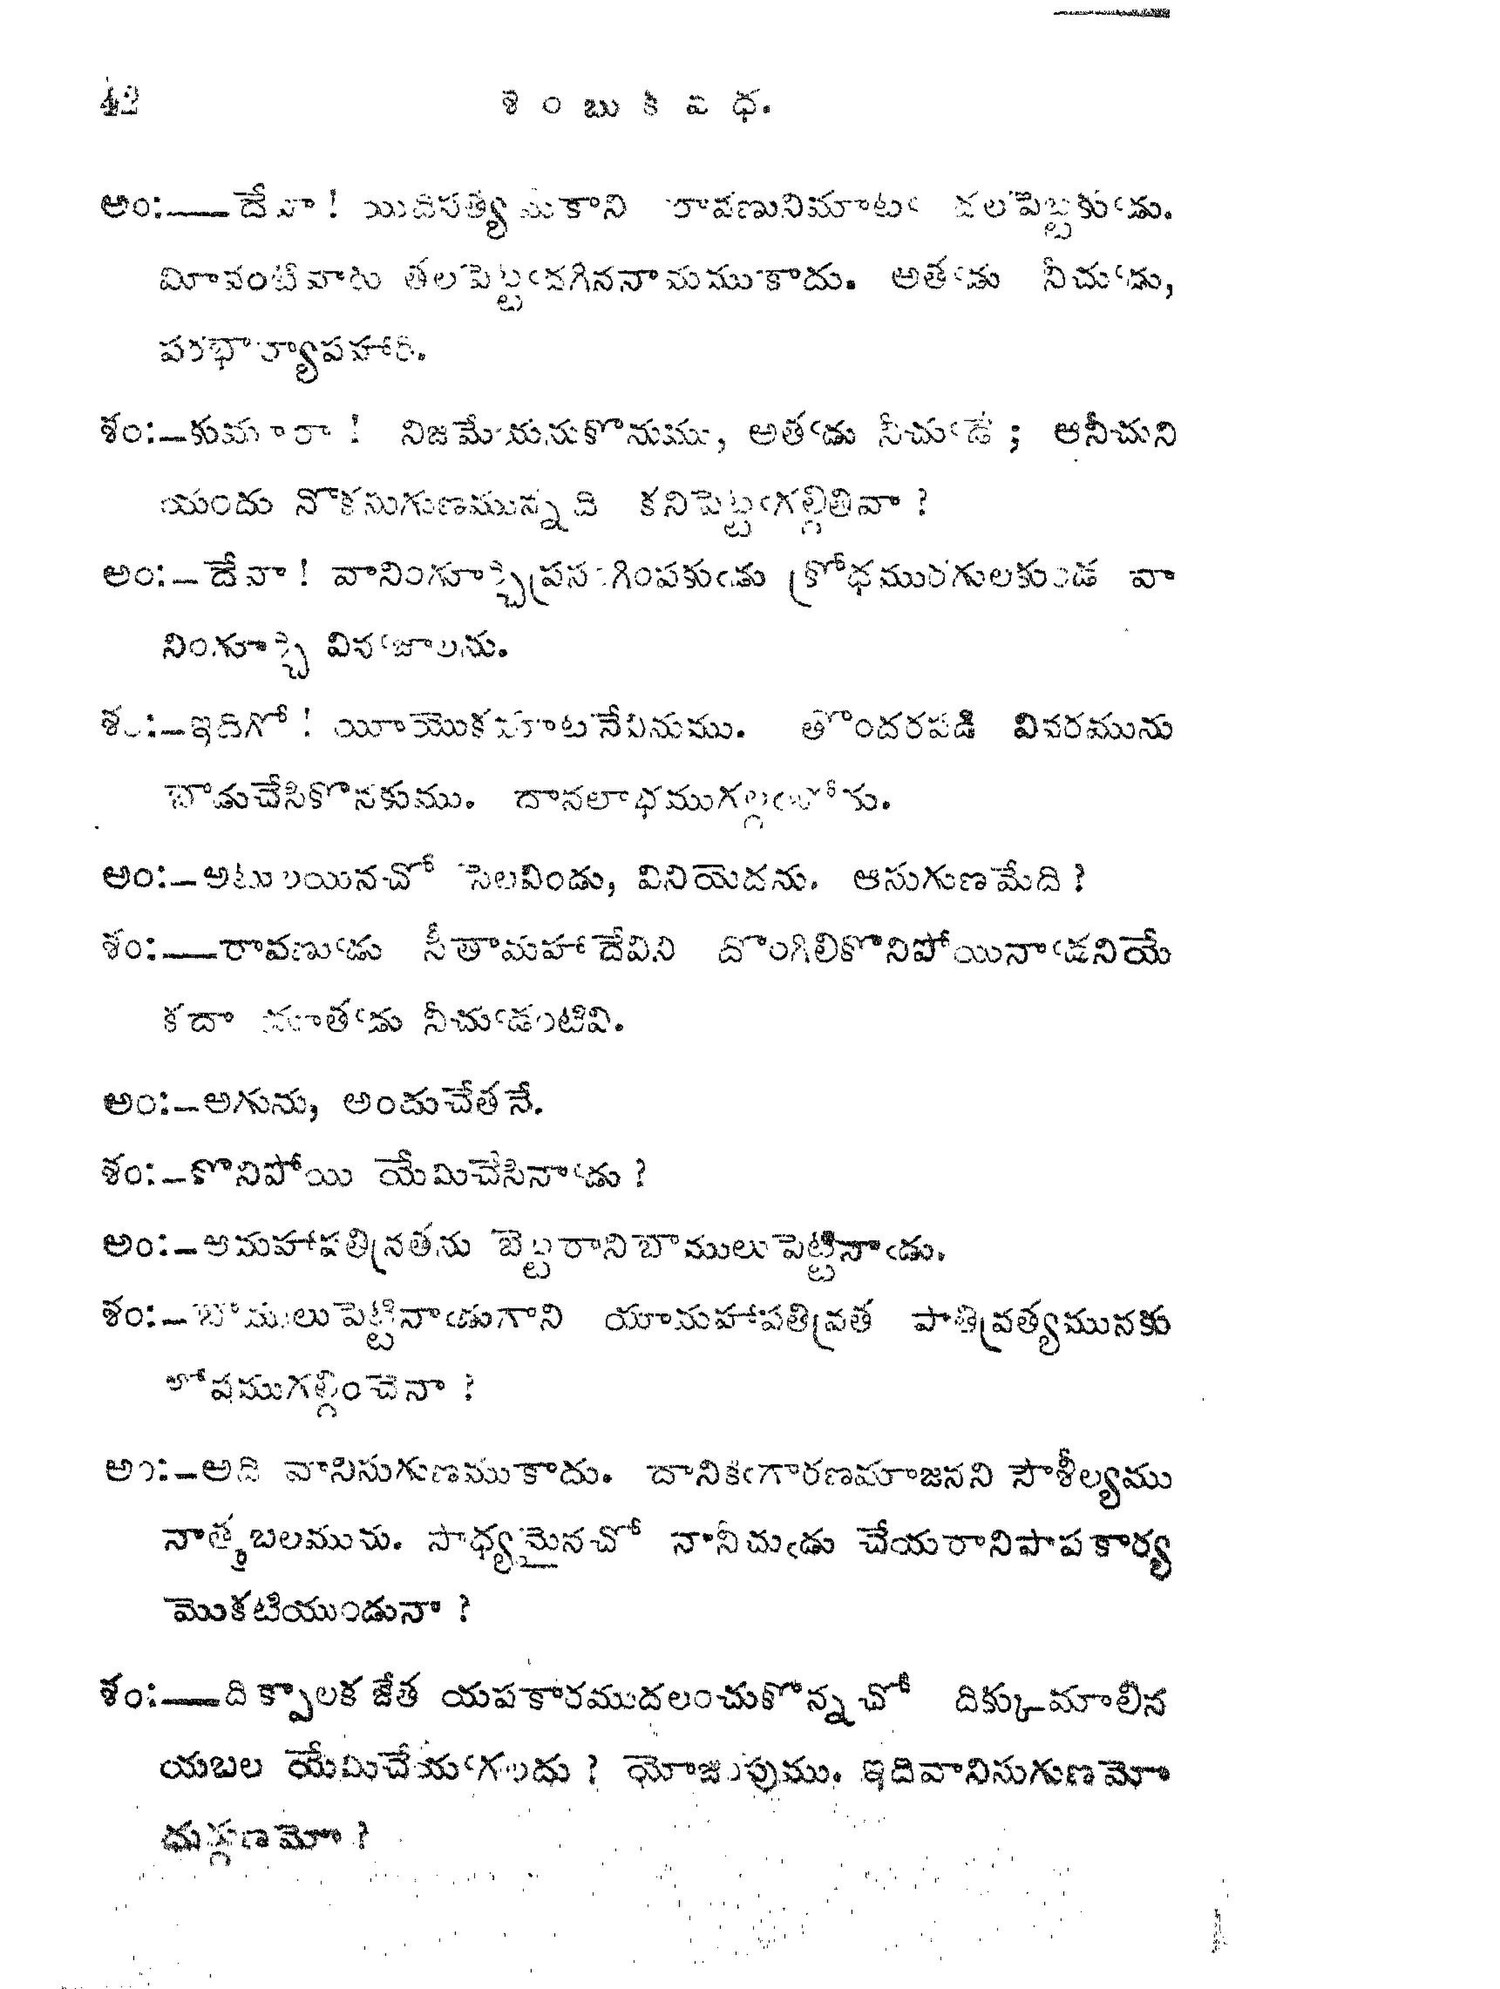అం : దేవా ! యిదిసత్యము కాని రావణునిమాటం తలపెట్టకుడు.
 మీ వంటి వారు తల పెట్టఁదగిన నామము కాదు. అతను నీచుడు,
 పరాభార్యాపహారి.

శం:- కుమారా : నిజమేయనుకొనుము, అతఁడు సీచుడే; అనీచుని
 యందు నొక సుగుణమున్నది కనిపెట్టగల్లితివా ?

అం:- దేనా ! వానిం గూచ్చేప్రస గింపకుఁడు క్రోధముంగులకుండ వా
 నింగూర్చివిన జాలను.

శ:- ఇదిగో ! యయొక మాటనే వినుము. తొందరపడి వివరమును
 బాడుచేసికొనకుము. దానలాభముగ ల్గ బోదు.

అం:- అటులయినచో 'సెలవిండు, వినియెదను. ఆసుగుణ మేది?

శం:-- రావణుడు సీతామహా దేవిని దొంగిలికొనిపోయినాడనియే
 కదా నతడు నీచుడంటివి.

అం:- అగును, అందుచేతనే.

శం:- కొనిపోయి యేమిచేసినాడు ?

అం:- అమహాపతివ్రతను బెట్టరాని బాములు పెట్టినాఁడు,

శం:- బాములు పెట్టినాడుగాని యామహా పతివ్రత పాతివ్రత్యమునకు
 దోషము గలించినా,? 

అ:- అది. వాని సుగుణము కాదు. దానికిఁ గారణమా జనని సౌశీల్యము
 నాత్మ బలమును. సాధ్యమైనచో నానీచుఁడు చేయ రాని పాప కార్య
 మొకటి యుండునా ?

శం:-- ది క్పాలక జేత యపకారము దలంచు కొన్నచో దిక్కు మాలిన
 యబల యేమి చేయగదు? యోజుంపుము. ఇది వాని సుగుణమో
 దుర్గుణమో ?